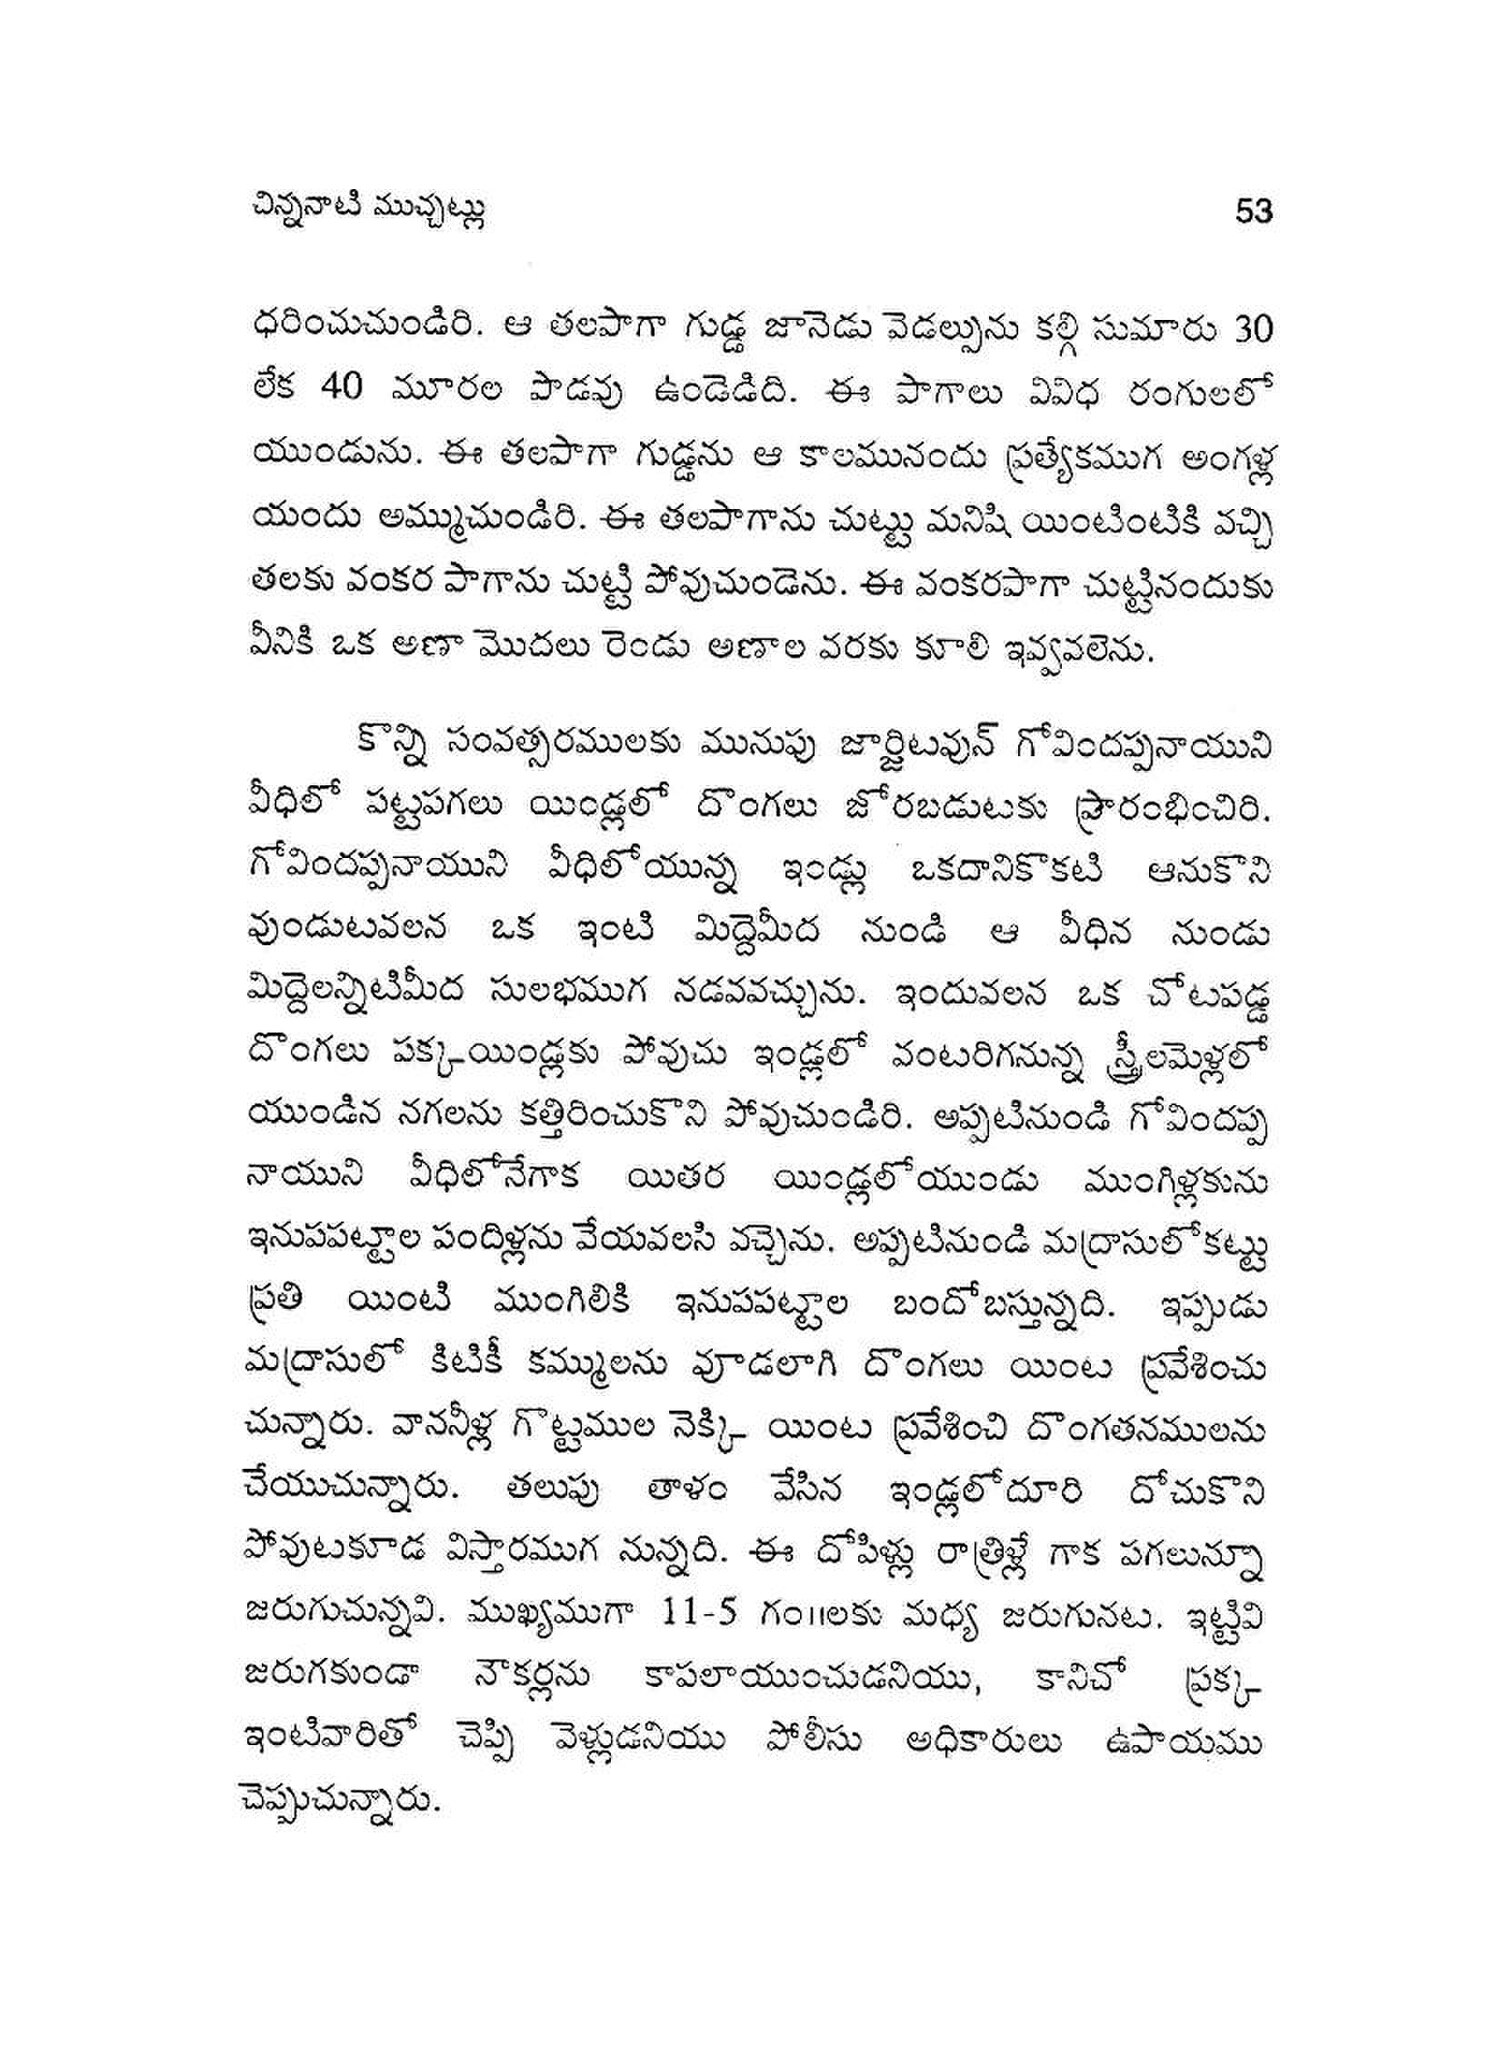ధరించుచుండిరి. ఆ తలపాగా గుడ్డ జానెడు వెడల్పును కల్గి సుమారు 30 లేక 40 మూరల పొడవు ఉండెడిది. ఈ పాగాలు వివిధ రంగులలో యుండును. ఈ తలపాగా గుడ్డను ఆ కాలమునందు ప్రత్యేకముగ అంగళ్ల యందు అమ్ముచుండిరి. ఈ తలపాగాను చుట్టు మనిషి యింటింటికి వచ్చి తలకు వంకర పాగాను చుట్టి పోవుచుండెను. ఈ వంకరపాగా చుట్టినందుకు వీనికి ఒక అణా మొదలు రెండు అణాల వరకు కూలి ఇవ్వవలెను.

కొన్ని సంవత్సరములకు మునుపు జార్జిటవున్ గోవిందప్పనాయుని వీధిలో పట్టపగలు యిండ్లలో దొంగలు జోరబడుటకు ప్రారంభించిరి. గోవిందప్పనాయుని వీధిలో యున్న ఇండ్లు ఒకదానికొకటి ఆనుకొని వుండుటవలన ఒక ఇంటి మిద్దెమీద నుండి ఆ వీధిన నుండు మిద్దెలన్నిటిమీద సులభముగ నడవవచ్చును. ఇందువలన ఒక చోటుపడ్డ దొంగలు పక్కయిండ్లకు పోవుచు ఇండ్లలో వంటరిగనున్న స్త్రీలమెళ్లలో యుండిన నగలను కత్తిరించుకొని పోవుచుండిరి. అప్పటినుండి గోవిందప్ప నాయుని వీధిలోనేగాక యితర యిండ్లలో యుండు ముంగిళ్లకును ఇనుపపట్టాల పందిళ్లను వేయవలసి వచ్చెను. అప్పటినుండి మద్రాసులో కట్టు ప్రతి యింటి ముంగిలికి ఇనుపపట్టాల బందోబస్తున్నది. ఇప్పడు మద్రాసులో కిటికీ కమ్ములను వూడలాగి దొంగలు యింట ప్రవేశించు చున్నారు. వాననీళ్ల గొట్టముల నెక్కి యింట ప్రవేశించి దొంగతనములను చేయుచున్నారు. తలుపు తాళం వేసిన ఇండ్లలో దూరి దోచుకొని పోవుటకూడ విస్తారముగ నున్నది. ఈ దోపిళ్లు రాత్రిళ్లే గాక పగలున్నూ జరుగుచున్నవి. ముఖ్యముగా 11-5 గం||లకు మధ్య జరుగునట. ఇట్టివి జరుగకుండా నౌకర్లను కాపలాయుంచుడనియు, కానిచో ప్రక్క ఇంటివారితో చెప్పి వెళ్ళుడనియు పోలీసు అధికారులు ఉపాయము చెప్పుచున్నారు.